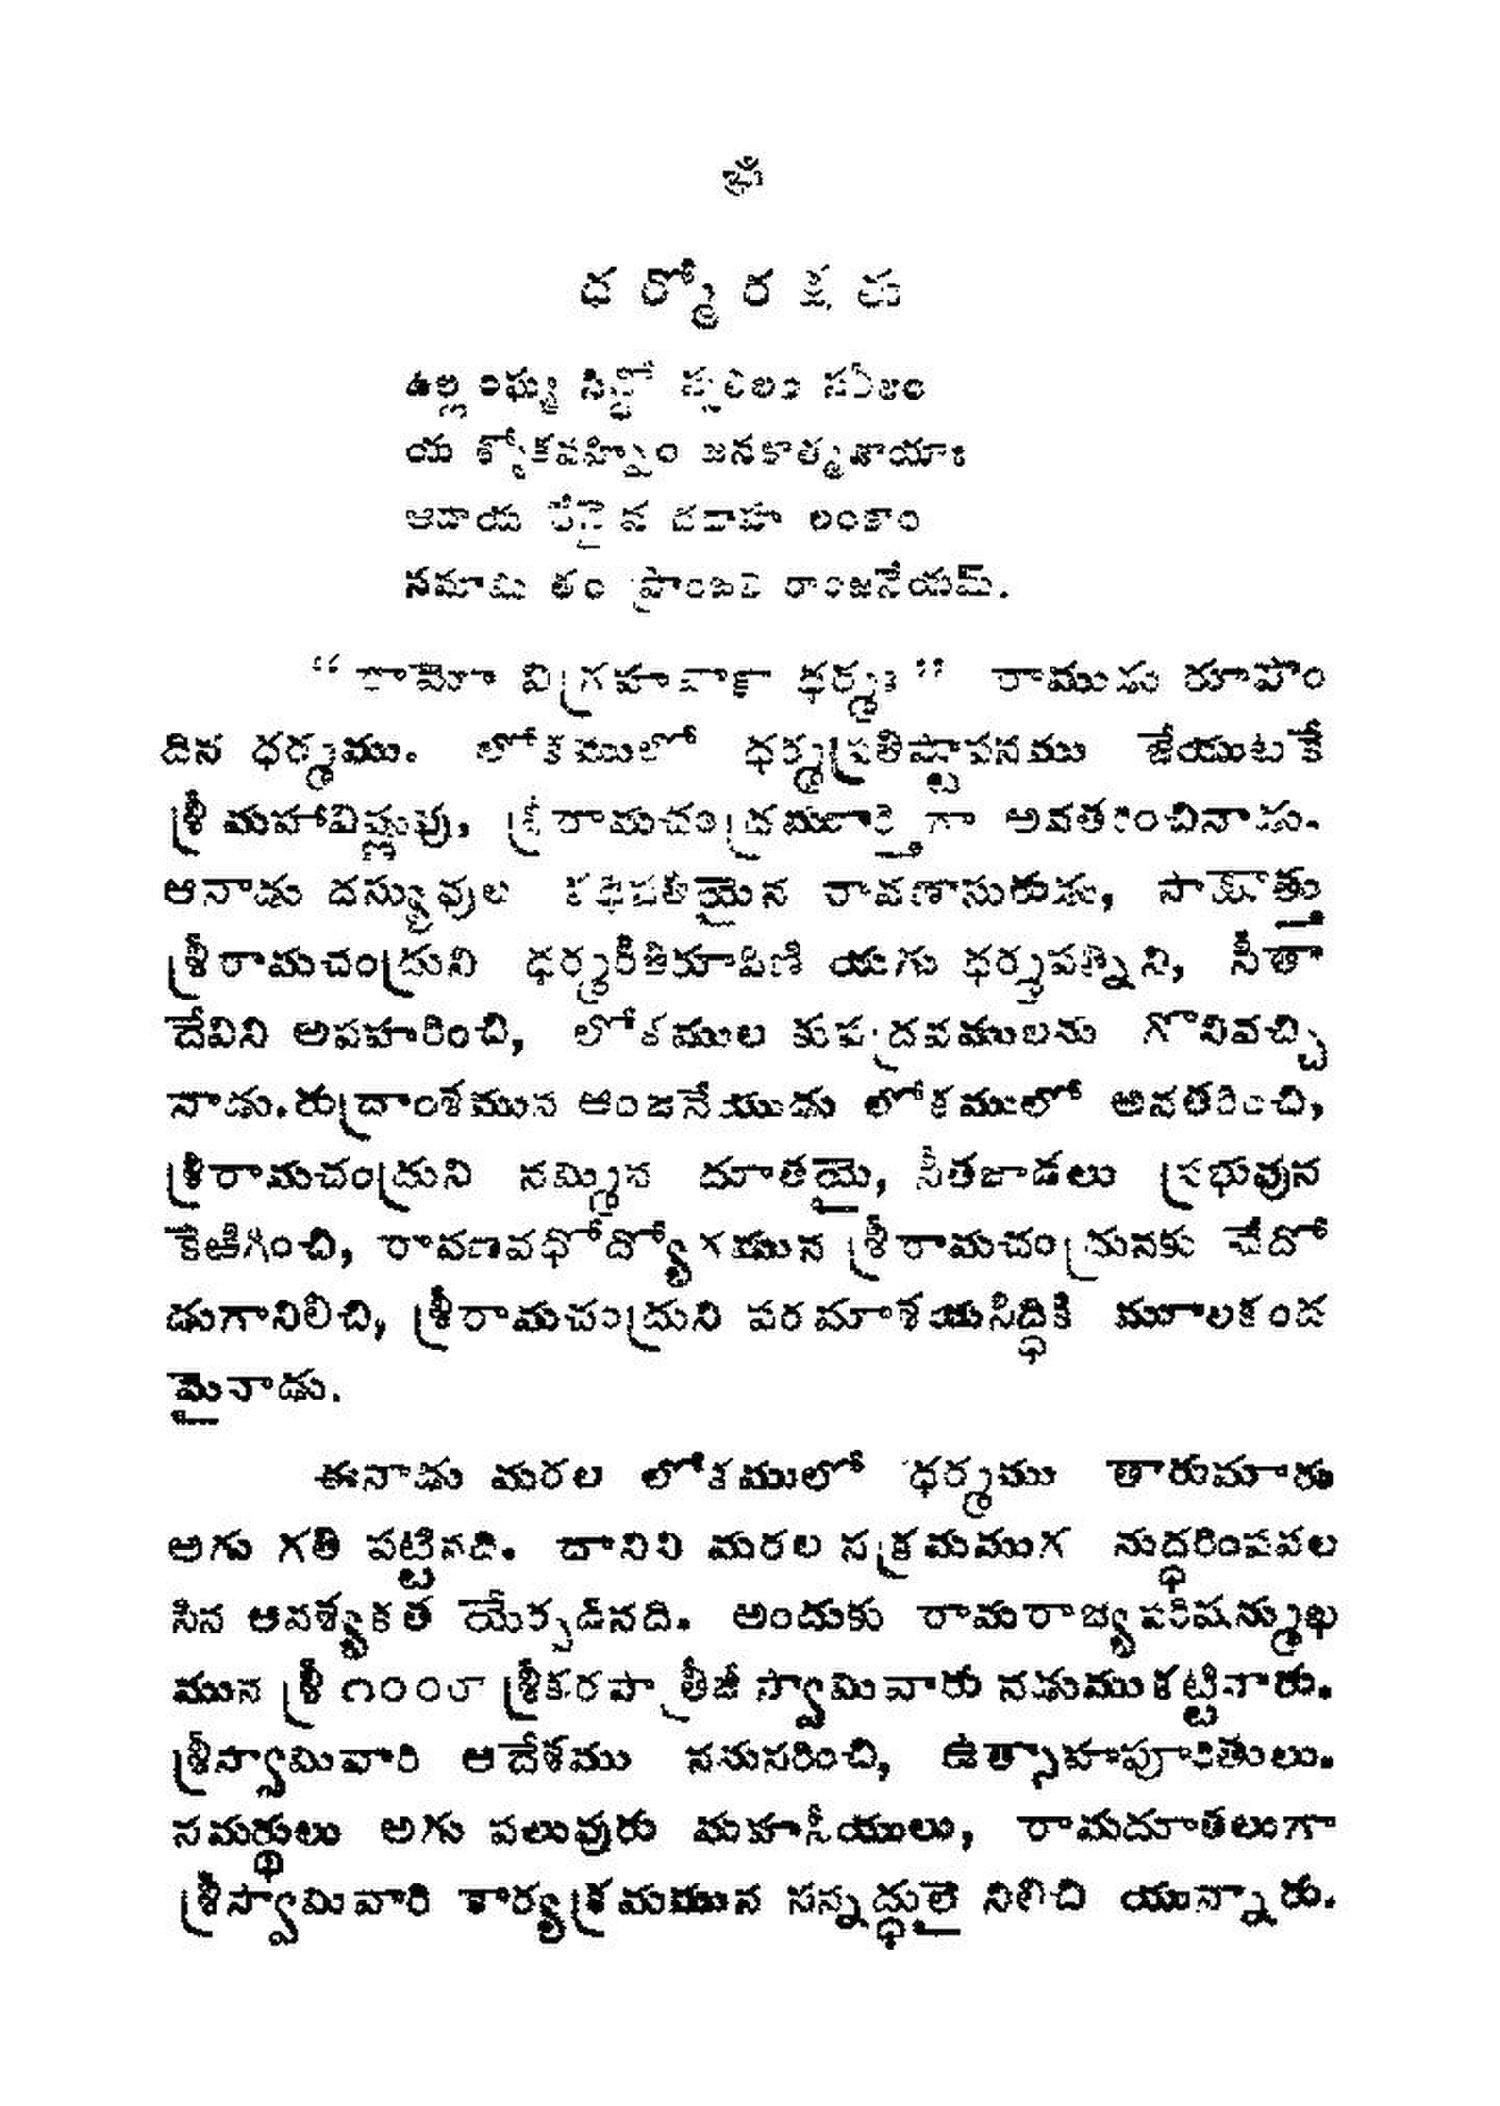ఉల్లంఘ్య సిద్ధో స్సలీలం సలీలం 
య శ్మోకవహ్నిం జనకాత్మజాయాః
ఆదాయ తేనైవ దదాహ లంకాం
నమామి తం ప్రాంజలి రాంజనేయమ్.

"రామో విగ్రహవాన్ ధర్మః" రాముడు రూపొందిన ధర్మము. లోకములో ధర్మప్రతిష్ఠాపనము జేయుటకే శ్రీమహావిష్ణువు, శ్రీరామచంద్రమూర్తిగా అవతరించినాడు. ఆనాడు దస్యువుల కధిపతియైన రావణాసురుడు, సాక్షాత్తు శ్రీరామచంద్రుని ధర్మరీతిరూపిణి యగు ధర్మపత్నిని, సీతాదేవిని అపహరించి, లోకముల కుపద్రవములను గొనివచ్చినాడు. రుద్రాంశమున ఆంజనేయుడు లోకములో అవతరించి, శ్రీరామచంద్రుని నమ్మిన దూతయై, సీతజాడలు ప్రభువున కెఱిగించి, రావణవధోద్యోగమున శ్రీరామచంద్రునకు 
చేదోడుగానిలిచి, శ్రీరామచంద్రుని పరమాశయసిద్ధికి మూలకంద మైనాడు.

ఈనాడు మరల లోకములో ధర్మము తారుమారు అగు గతి పట్టినది. దానిని మరల సక్రమముగ నుద్ధరింపవలసిన ఆవశ్యకత యేర్పడినది. అందుకు రామరాజ్య పరిషన్ముఖమున శ్రీ ౧0౦౮ శ్రీకరపత్రీజీ స్వామివారు నడుముకట్టినారు. శ్రీస్వామివారి ఆదేశము ననుసరించి, ఉత్సాహపూరితులు. సమర్థులు అగు పలువురు మహనీయులు, రామదూతలుగా శ్రీస్వామివారి కార్యక్రమమున సన్నద్ధులై నిలిచి యున్నారు.